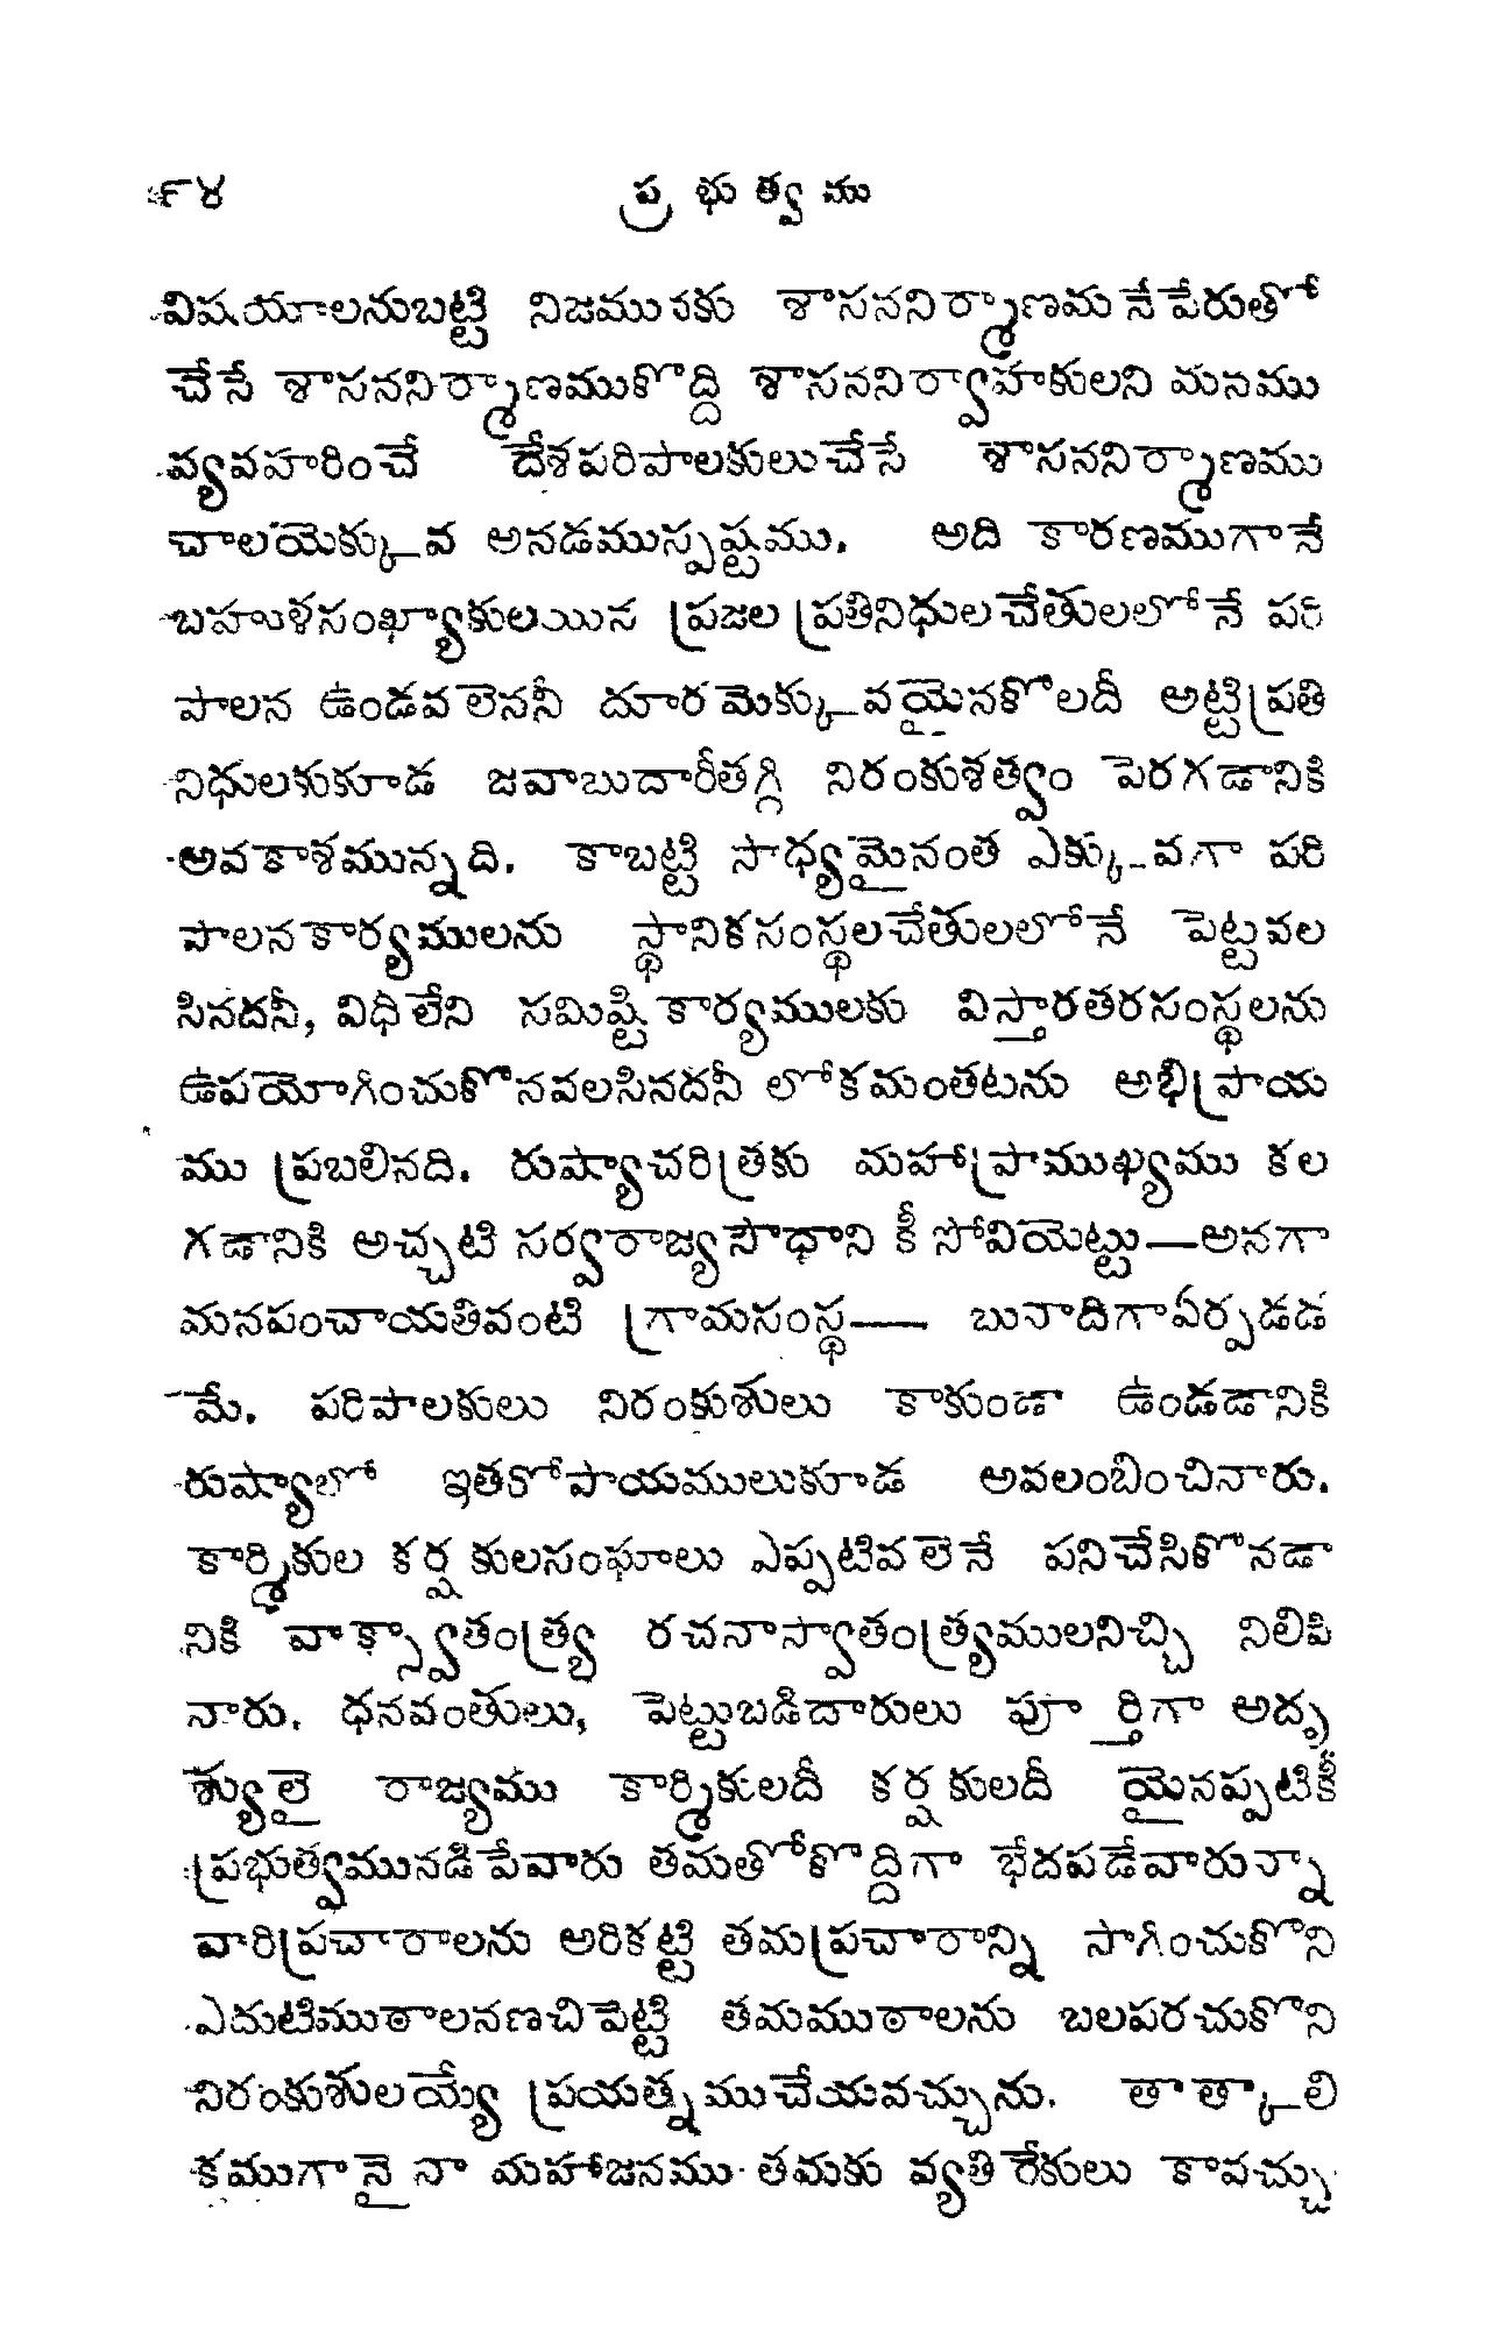విషయాలనుబట్టి నిజమునకు శాసననిర్మాణమనేపేరుతో చేసే శాసననిర్మాణముకొద్ది శాసననిర్వాకులని మనము వ్యవహరించే దేశపరిపాలకులుచేసే శాసననిర్మాణము చాలయెక్కువ అనడముస్పష్టము, అది కారణముగానే బహుళసంఖ్యాకులయిన ప్రజల ప్రతినిధులచేతులలోనే పరిపాలన ఉండవలెననీ దూరమెక్కువయైనలదీ అట్టిప్రతినిధులకుకూడ జవాబుదారీతగ్గి నిరంకుశత్వం పెరగడానికి
అవకాశమున్నది. కాబట్టి సాధ్యమైనంత ఎక్కువగా పరిపాలన కార్యములను స్థానిక సంస్థల చేతులలోనే పెట్టవలసినదనీ, విధిలేని సమిష్టికార్యములకు విస్తారతరసంస్థలనుఉపయోగించు కొనవలసినదనీ లోకమంతటను అభిప్రాయము ప్రబలినది. రుష్యాచరిత్రకు మహాప్రాముఖ్యము కలగడానికి అచ్చటి సర్వరాజ్యసౌధాని కీ సోవియెట్టు– అనగా మనపంచాయతివంటి గ్రామసంస్థ - బునాదిగా ఏర్పడడమే. పరిపాలకులు నిరంకుశులు కాకుండా ఉండడానికి రుష్యాలో ఇతరోపాయములుకూడ అవలంబించినారు. కార్మికుల కర్షకులసంఘాలు ఎప్పటివలెనే పనిచేసికొనడానికి వాక్స్వాతంత్ర్య రచనాస్వాతంత్ర్యములనిచ్చి నిలిపినారు. ధనవంతులు, పెట్టుబడిదారులు పూర్తిగా అదృశ్యులై రాజ్యము కార్మికులదీ కర్షకులదీ యైనప్పటికీ ప్రభుత్వము నడిపేవారు తమతోకొద్దిగా భేదపడేవారున్నా వారిప్రచారాలను అరికట్టి తమప్రచారాన్ని సాగించుకొని
ఎదుటిముఠాలనణచిపెట్టి తమముఠాలను బలపరచుకొని నిరంకుశులయ్యే ప్రయత్నముచేయ వచ్చును. తాత్కాలికముగానై నా మహాజనము తమకు వ్యతిరేకులు కావచ్చు